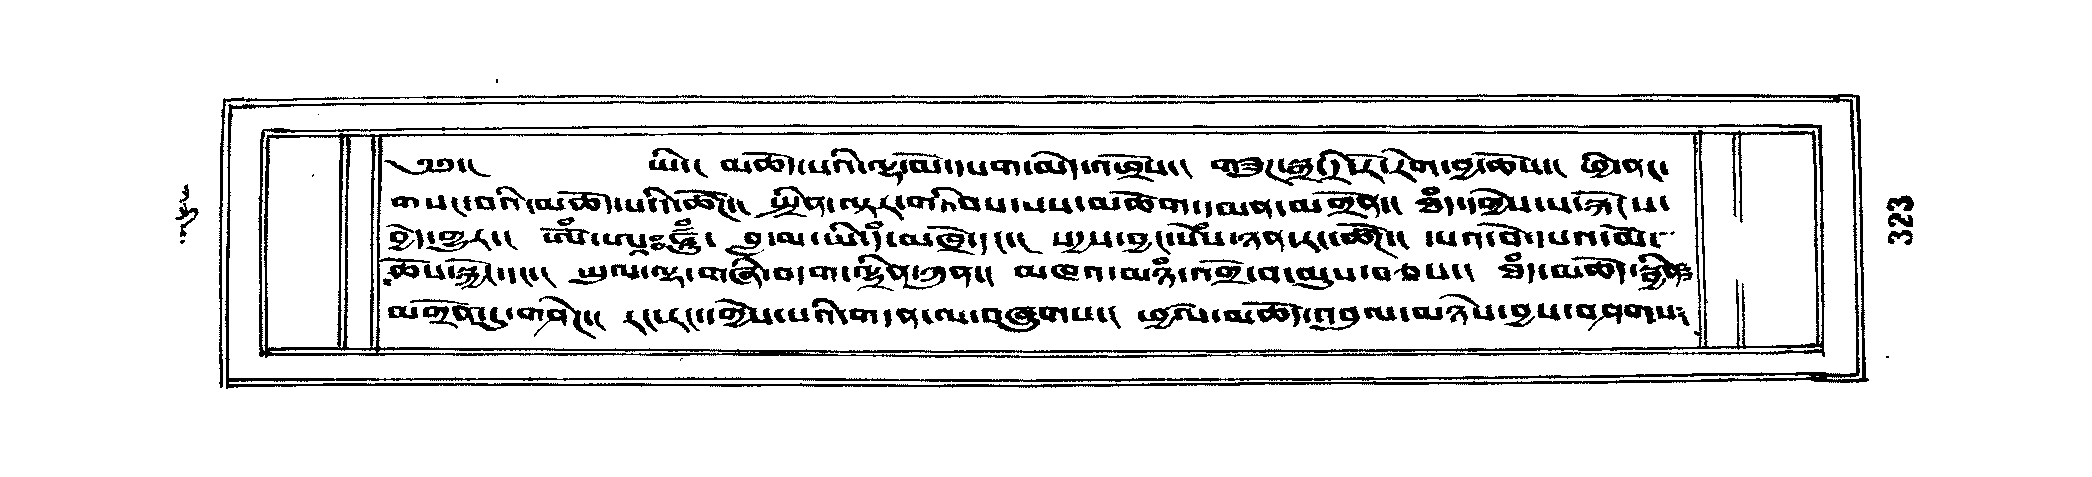ཡི། །མཆོད་པའི་ལྷ་མོ་དཔག་མེད་འཕྲོས། །གཟུགས་སྒྲ་དྲི་རོ་རཻག་བྱ་ཆོས། །ཕྱི་ནང་
གསང་བའི་མཆོད་པའི་ཚོགས། །སྤྲིན་ལྟར་གཏིབས་པས་མཆོག་དམན་མགྲོན། ཐམས་ཅད་དགྱེས་པ་སྐོངས་
བྱེད་གྱུར། ཨོྃ་ཨཱཿཧཱུྃ། བླ་མ་ཡི་དམ་མཁའ་འགྲོ་དང་། །སངས་རྒྱས་བྱང་སེམས་ཉན་རང་རྒྱལ་ཚོགས། །དཔའ་བོ་དཔའ་མོ་
ཆོས་སྐྱོང་དང་། །ཡུལ་ལྷ་གཞི་བདག་ལྷ་སྲིན་ཀུན། །མཁའ་མཉམ་འགྲོ་བ་མ་ལུས་བཅས། །ཐམས་ཅད་མཆོད་སྦྱིན་
མགྲོན་དུ་གཤེགས། །རང་རང་དགྱེས་པའི་གདན་ལ་བཞུགས། །ཕྱག་འཚལ་མཆོད་འབུལ་མཉེས་བྱས་བཤགས། །